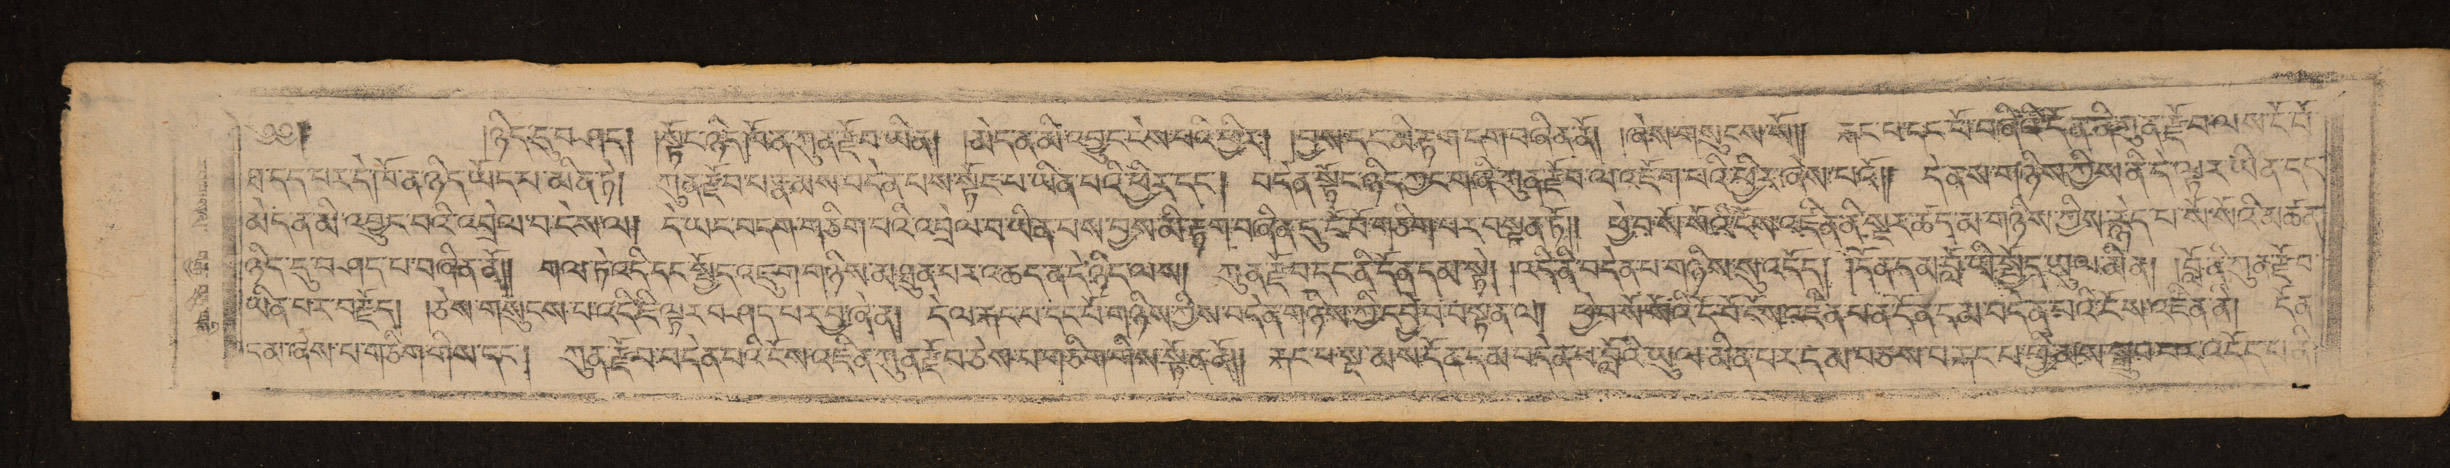༄༅། །ཉིད་དུ་བཤད། །སྟོང་ཉིད་ཁོ་ན་ཀུན་རྫོབ་ཡིན། མེད་ན་མི་འབྱུང་ངེས་པའི་ཕྱིར། །བྱས་དང་མི་རྟག་དག་བཞིན་ནོ། །ཞེས་གསུངས་སོ།། རྐང་པ་དང་པོ་བཞིའི་དོན་ནི་ཀུན་རྫོབ་ལས་ངོ་བོ་
ཐ་དད་པར་དེ་ཁོ་ན་ཉིད་ཡོད་པ་མིན་ཏེ། ཀུན་རྫོབ་པ་རྣམས་བདེན་པས་སྟོང་པ་ཡིན་པའི་ཕྱིར་དང་། བདེན་སྟོང་ཉིད་ཀྱང་གཞི་ཀུན་རྫོབ་ལ་འཇོག་པའི་ཕྱིར་ཞེས་པའོ།། དེ་ནས་གཉིས་ཀྱིས་ནི་དེ་ལྟར་ཡིན་དང་
མེད་ན་མི་འབྱུང་བའི་འབྲེལ་པ་ངེས་ལ། དེ་ཡང་བདག་གཅིག་པའི་འབྲེལ་པ་ཡིན་པས་བྱས་མི་རྟག་བཞིན་དུ་ངོ་བོ་གཅིག་པར་བསྟན་ཏོ།། ཕྱེ་བ་སོ་སོའི་ངོས་འཛིན་ནི་སྔར་ཚད་མ་གཉིས་ཀྱིས་རྙེད་པ་སོ་སོའི་མཚན་
ཉིད་དུ་བཤད་པ་བཞིན་ནོ།། གལ་ཏེ་འདི་དང་སྤྱོད་འཇུག་གཉིས་མཐུན་པར་འཆད་ན་དེ་ཉིད་ལས། ཀུན་རྫོབ་དང་ནི་དོན་དམ་སྟེ། །འདི་ནི་བདེན་པ་གཉིས་སུ་འདོད། །དོན་དམ་བློ་ཡི་སྤྱོད་ཡུལ་མིན། །བློ་ནི་ཀུན་རྫོབ་
ཡིན་པར་བརྗོད། །ཅེས་གསུངས་པ་འདི་ཇི་ལྟར་བཤད་པར་བྱ་ཞེ་ན། དེ་ལ་རྐང་པ་དང་པོ་གཉིས་ཀྱིས་བདེན་གཉིས་ཀྱི་དབྱེ་བ་བསྟན་ལ། ཕྱེ་བ་སོ་སོའི་ངོ་བོ་ངོས་འཛིན་པ་ན་དོན་དམ་བདེན་པའི་ངོས་འཛིན་ནི། དོན་
དམ་ཞེས་པ་གཅིག་གིས་དང་། ཀུན་རྫོབ་བདེན་པའི་ངོས་འཛིན་ཀུན་རྫོབ་ཅེས་པ་གཅིག་གིས་སྟོན་ནོ།། རྐང་པ་སྔ་མས་དོན་དམ་བདེན་པ་བློའི་ཡུལ་མིན་པར་དམ་བཅས་པ་རྐང་པ་ཕྱི་མས་སྒྲུབ་པར་འདོད་པ་ནི།